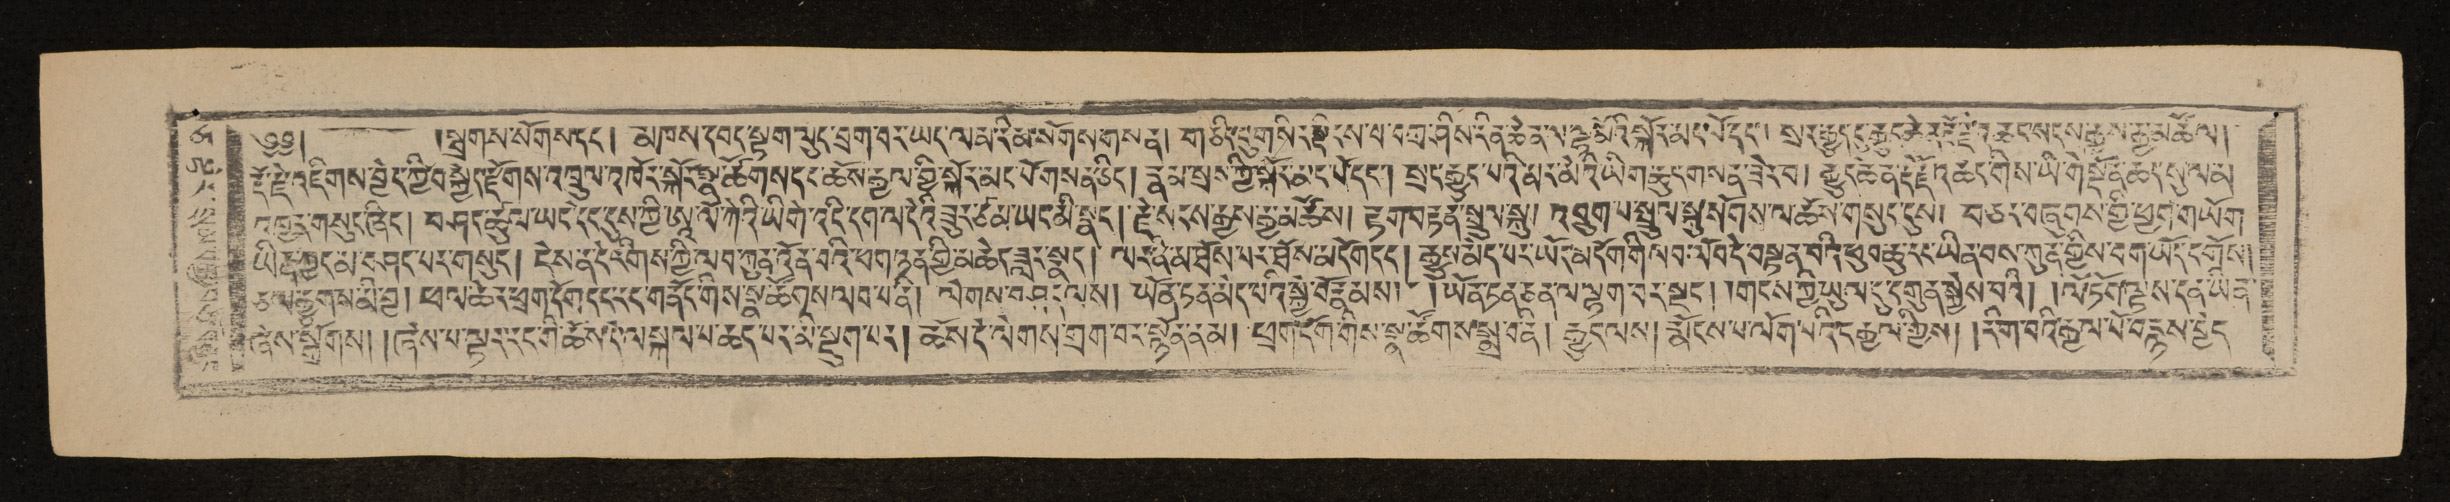༄༅། །སྦྲགས་སོགས་དང་། མཁས་དབང་སྟག་ལུང་བྲག་པར་ཡང་ལམ་རིམ་སོགས་གསན། གཙང་དུ་གསེར་སྡིངས་པ་བཀྲ་ཤིས་རིན་ཆེན་ལ་ལྷ་མོའི་སྐོར་མང་པོ་དང་། སྲད་རྒྱུད་དུ་རྒྱུད་ཆེན་རྡོ་རྗེ་འཆང་སངས་རྒྱས་རྒྱ་མཚོ་ལ།
རྡོ་རྗེ་འཇིགས་བྱེད་ཀྱི་བསྐྱེད་རྫོགས་འཁྲུལ་འཁོར་སྐོར་སྣ་ཚོགས་དང་ཆོས་རྒྱལ་གྱི་སྐོར་མང་པོ་གསན་ཅིང་། རྣམ་སྲས་ཀྱི་སྐོར་མང་པོ་དང་། སྲད་རྒྱུད་པའི་མར་མེའི་ཡིག་ཆུང་གསན་ཟེར་བ། རྒྱུད་ཆེན་རྡོ་རྗེ་འཆང་གིས་ཡི་གེ་སྔན་ཆད་སུ་ལམ་
འཁྱར་གསུང་ཞིང་། བཤད་ཚུལ་ཡང་དེང་དུས་ཀྱི་ཨཱ་ལོ་ཀེའི་ཡི་གེ་འདི་དག་ལ་དེའི་ཟུང་ཙམ་ཡང་མི་སྣང་། རྗེ་སངས་རྒྱས་རྒྱ་མཚོས། རྟག་བརྟན་སྤྲུལ་སྐུ། འབྲུག་པ་སྤྲུལ་སྐུ་སོགས་ལ་ཆོས་གསུང་དུས། བཅར་བཞུགས་ཀྱི་ཕྱག་གཡོག་
ཡིན་ཀྱང་མ་བཤད་པར་གསུང་། དེས་ན་དེ་རིགས་ཀྱི་ལབ་ཀུན་འོན་པའི་ཕག་ཉན་གྱི་མཆེད་ཟླར་སྣང་། ལར་ནི་མ་ཐོས་བར་ཐོས་མདོག་དང་། རྒྱུས་མེད་པར་ཡོད་མདོག་གི་ལབ་ལོབ་དེ་བསྟན་པའི་ཕུབ་ཆུ་རང་ཡིན་པས་ཀུན་གྱིས་བག་ཡོད་དགོས།
ཅལ་རྒྱུགས་མི་བྱ། ཕལ་ཆེར་ཕྲག་དོག་དང་རང་གནོང་གིས་སྣ་ཚོགས་ལབ་པ་ནི། ལེགས་བཤད་ལས། ཡོན་ཏན་མེད་པའི་སྐྱེ་བོ་རྣམས། །ཡོན་ཏན་ཅན་ལ་ལྷག་པར་སྡང་། །གངས་ཀྱི་ཡུལ་དུ་དགུན་སྐྱེས་པའི། །ལོ་ཏོག་ལྟས་ངན་ཡིན་
ཞེས་སྒྲོགས། །ཞེས་པ་ལྟར་རང་གི་ཆེས་དེ་ལ་སྐལ་བ་ཆད་པར་མི་སྡུག་པར། ཆོས་དེ་ལེགས་གྲག་པར་སྙོན་ནམ། ཕྲག་དོག་གིས་སྣ་ཚོགས་སྨྲ་བ་ནི། རྒྱུད་ལས། རྨོངས་པ་ལོག་པའི་ང་རྒྱལ་གྱིས། །རིག་པའི་རྒྱལ་པོ་བརྙས་བྱེད་